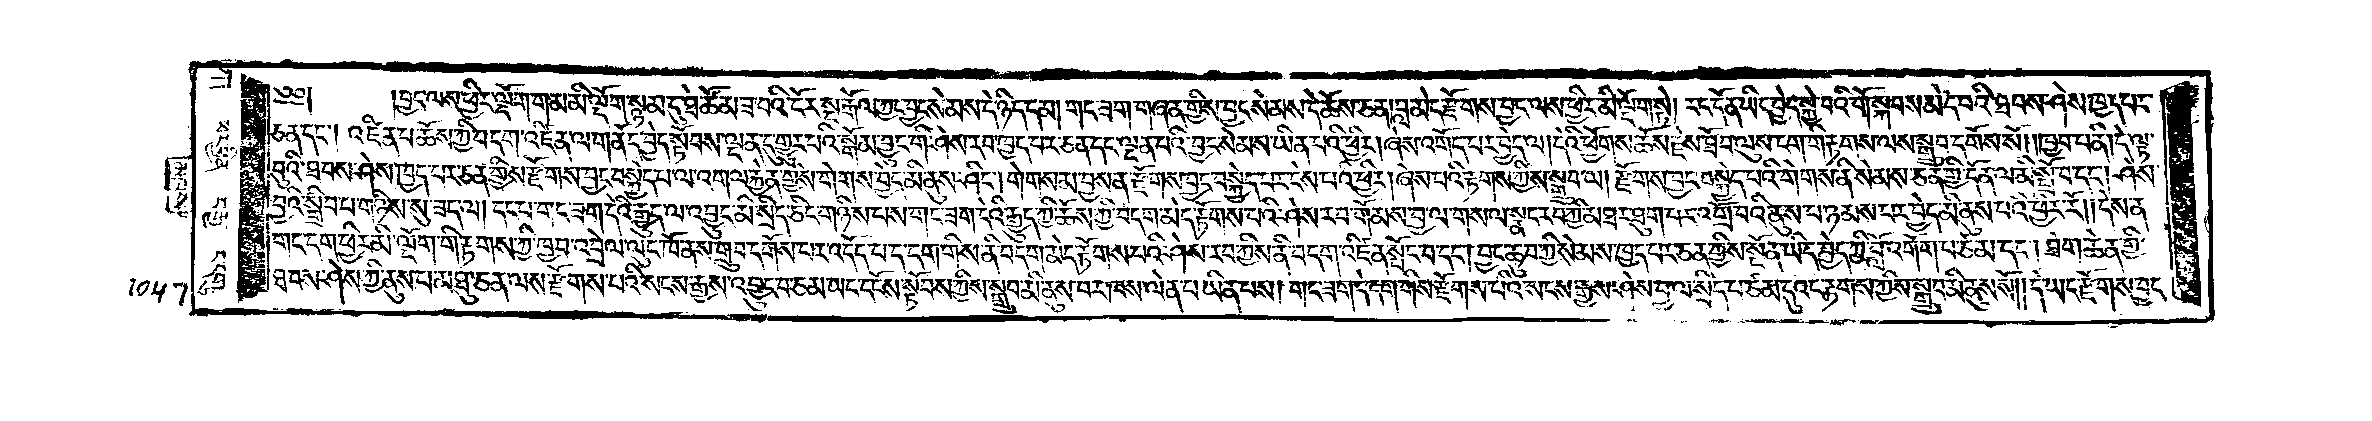༄༅། །བྱང་ལས་ཕྱིར་ལྡོག་གམ་མི་ལྡོག་སྙམ་དུ་ཐེ་ཚོམ་ཟ་བའི་ངོར་སྔ་རྒོལ་ཀྱང་བྱང་སེམས་དེ་ཉིད་དམ། གང་ཟག་གཞན་གྱིས་བྱང་སེམས་དེ་ཆོས་ཅན། བླ་མེད་རྫོགས་བྱང་ལས་ཕྱིར་མི་ལྡོག་སྟེ། རང་དོན་ཡིད་བྱེད་སྐྱེ་བའི་གོ་སྐབས་མེད་པའི་ཐབས་ཤེས་ཁྱད་པར་
ཅན་དང་། འཛིན་པ་ཆོས་ཀྱི་བདག་འཛིན་ལ་གནོད་བྱེད་སྟོབས་ལྡན་དུ་གྱུར་པའི་སྒོམ་བྱུང་གི་ཤེས་རབ་ཁྱད་པར་ཅན་དང་ལྡན་པའི་བྱང་སེམས་ཡིན་པའི་ཕྱིར། ཞེས་འགོད་པར་བྱེད་ལ། དེའི་ཕྱོགས་ཆོས་རྗེས་ཐོབ་ལུས་ངག་གི་རྟགས་ལས་སྒྲུབ་དགོས་སོ། །ཁྱབ་པ་ནི། དེ་ལྟ་
བུའི་ཐབས་ཤེས་ཁྱད་པར་ཅན་གྱིས་རྫོགས་བྱང་བསྐྱེད་པ་ལ་འགལ་རྐྱེན་གྱིས་གེགས་བྱེད་མི་ནུས་ཤིང་། གེགས་མ་བྱས་ན་རྫོགས་བྱང་བསྐྱེད་པར་ངེས་པའི་ཕྱིར། ཞེས་པའི་རྟགས་ཀྱིས་སྒྲུབ་ལ། རྫོགས་བྱང་བསྐྱེད་པའི་གེགས་ནི་སེམས་ཅན་གྱི་དོན་ལ་མི་སྤྲོས་པ་དང་། ཤེས་
བྱའི་སྒྲིབ་པ་གཉིས་སུ་ཟད་ལ། དང་པོ་གང་ཟག་དེའི་རྒྱུད་ལ་འབྱུང་མི་སྲིད་ཅིང་གཉིས་པས་གང་ཟག་དེའི་རྒྱུད་ཀྱི་ཆོས་ཀྱི་བདག་མེད་རྟོགས་པའི་ཤེས་རབ་གོམས་བྱ་ལ་གསལ་སྣང་རབ་ཀྱི་མཐར་ཐུག་པར་འགྲོ་བའི་ནུས་པ་ཉམས་པར་བྱེད་མི་ནུས་པའི་ཕྱིར་རོ། །དེས་ན་
གང་དག་ཕྱིར་མི་ལྡོག་གི་རྟགས་ཀྱི་ཁྱབ་འབྲེལ་ལུང་ཁོ་ནས་གྲུབ་དགོས་པར་འདོད་པ་དེ་དག་གིས་ནི་བདག་མེད་རྟོགས་པའི་ཤེས་རབ་ཀྱིས་ནི་བདག་འཛིན་སྤོང་བ་དང་། བྱང་ཆུབ་ཀྱི་སེམས་ཁྱད་པར་ཅན་གྱིས་སྔོན་ཡིད་བྱེད་ཀྱི་བློ་འགོག་པ་ཙམ་དང་། ཐེག་ཆེན་གྱི་
ཐབས་ཤེས་ཀྱི་ནུས་པ་མཐུ་ཅན་ལས་རྫོགས་པའི་སངས་རྒྱས་འབྱུང་བ་ཙམ་ཡང་དངོས་སྟོབས་ཀྱིས་སྒྲུབ་མི་ནུས་པར་ཁས་ལེན་པ་ཡིན་པས། གང་ཟག་དེ་དག་གིས་རྫོགས་པའི་སངས་རྒྱས་ཤེས་བྱ་ལ་སྲིད་པ་ཙམ་དུའང་རྟགས་ཀྱིས་སྒྲུབ་མི་ནུས་སོ། །དེ་ཡང་རྫོགས་བྱང་